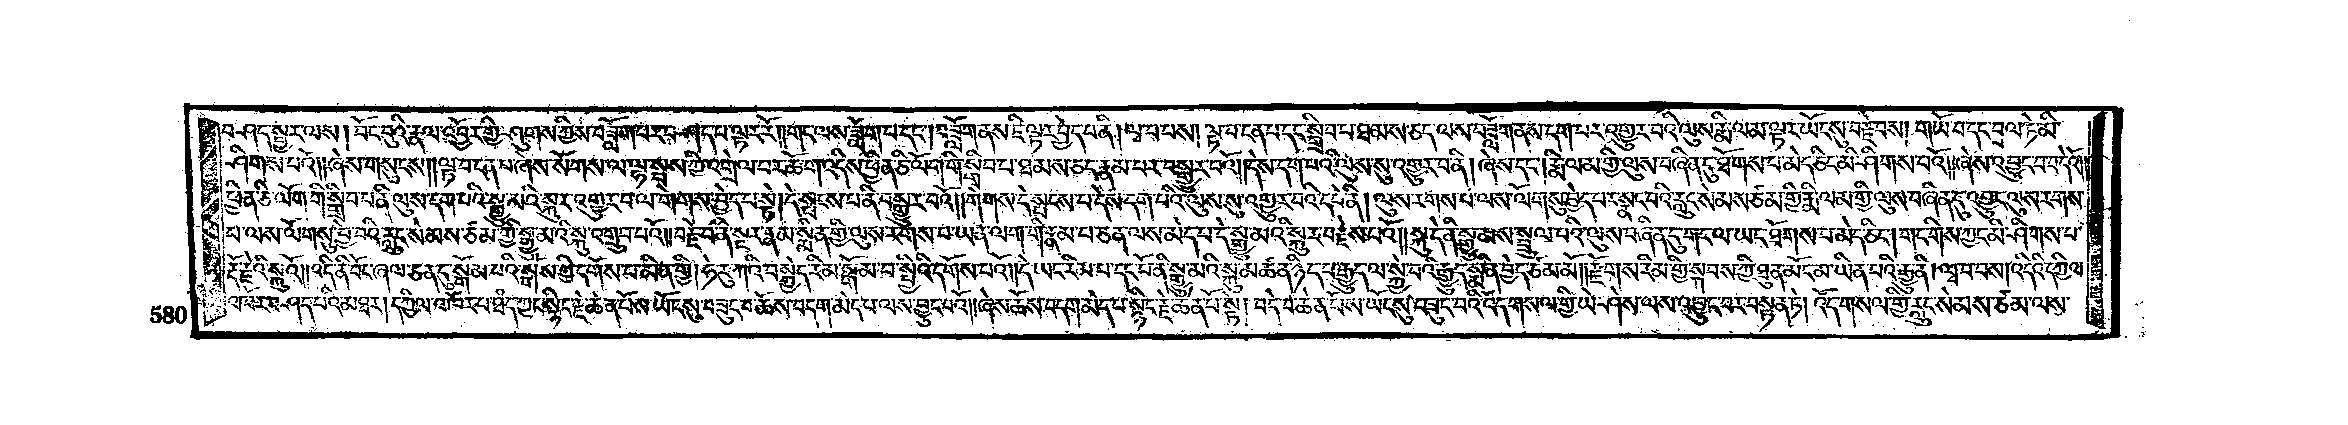བཤད་སྦྱར་ལས། བོང་བུའི་རྣལ་འབྱོར་གྱི་ཤུགས་ཀྱིས་བཟློག་པར་བཤད་པ་ལྟར་རོ། །གང་ལས་ཟློག་པ་དང་། བཟློག་ནས་ཇི་ལྟར་བྱེད་པ་ནི། ལྭ་བ་པས། ལྟ་བ་ངན་པ་དང་སྒྲིབ་པ་ཐམས་ཅད་ལས་བཟློག་ནས་དག་པར་འགྱུར་བའི་ལུས་རྨི་ལམ་ལྟར་ཡོངས་སུ་བརྗེ་བས། གཡོ་བ་དང་བྲལ་ཏེ་མི་
ཤིགས་པའོ། །ཞེས་གསུངས། །ལྟ་བ་ངན་པ་ཞེས་སོགས་ལ་ལྷ་སྦས་ཀྱི་འགྲེལ་པར་ཆོ་ག་འདིས་ཕྱིན་ཅི་ལོག་གི་སྒྲིབ་པ་ཐམས་ཅད་རྣམ་པར་བསྒྱུར་བའོ། །དེས་དག་པའི་ལུས་སུ་འགྱུར་བ་ནི། ཞེས་དང་། རྨི་ལམ་གྱི་ལུས་བཞིན་དུ་ཐོགས་པ་མེད་ཅིང་མི་ཤིགས་པའོ། །ཞེས་འབྱུང་བ་བདེའོ།།
ཕྱིན་ཅི་ལོག་གི་སྒྲིབ་པ་ནི་ལུས་དག་པའི་སྒྱུ་མའི་སྐུར་འགྱུར་བ་ལ་གེགས་བྱེད་པ་སྟེ། དེ་སྤངས་པ་ནི་བསྒྱུར་བའོ། །གེགས་དེ་སྤངས་པ་དེས་དག་པའི་ལུས་སུ་འགྱུར་བའི་དཔེ་ནི། ལུས་རགས་པ་ལས་ལོགས་སུ་བྱེད་པར་སྣང་བའི་རླུང་སེམས་ཙམ་གྱི་རྨི་ལམ་གྱི་ལུས་བཞིན་དུ་འབྱུང་ལུས་རགས་
པ་ལས་ལོགས་སུ་བྱེ་བའི་རླུང་སེམས་ཙམ་གྱི་སྒྱུ་མའི་སྐུ་འགྲུབ་པའོ། །བརྗེ་བ་ནི་སྔར་རྣམ་སྨིན་གྱི་ལུས་རགས་པ་ཡན་ལག་གི་རྣམ་པ་ཅན་ལས་མེད་པ་དེ་སྒྱུ་མའི་སྐུར་བརྗེས་པའོ། །སྐུ་དེ་ནི་སྒྱུ་མས་སྤྲུལ་པའི་ལུས་བཞིན་དུ་གང་ལ་ཡང་ཐོགས་པ་མེད་ཅིང་། གང་གིས་ཀྱང་མི་ཤིགས་པ་
རྡོ་རྗེའི་སྐུའོ། །འདི་ནི་བོང་ཞལ་ཅན་དུ་སྒོམ་པའི་སྒོས་ཀྱི་དགོས་པ་མིན་གྱི། ཧེ་རུ་ཀའི་བསྐྱེད་རིམ་སྒོམ་པ་སྤྱིའི་དགོས་པའོ། །དེ་ཡང་རིམ་པ་དང་པོ་ནི་སྒྱུ་མའི་སྐུ་མཚན་ཉིད་པ་རྒྱུད་ལ་སྐྱེ་བའི་རྒྱུད་སྨིན་བྱེད་ཙམ་མོ། །རྫོགས་རིམ་གྱི་སྐབས་ཀྱི་ཐུན་མོང་མ་ཡིན་པའི་རྒྱུ་ནི། ལྭ་བ་བས། འདིའི་དཀྱིལ་
འཁོར་བཤད་པའི་མཐར། དཀྱིལ་འཁོར་པ་ཐམས་ཅད་ཀྱང་སྙིང་རྗེ་ཆེན་པོས་ཡོངས་སུ་བཟུང་བ་ཆོས་བདག་མེད་པ་ལས་བྱུང་བའོ། །ཞེས་ཆོས་བདག་མེད་པ་སྙིང་རྗེ་ཆེན་པོ་སྟེ། བདེ་བ་ཆེན་པོས་ཡོངས་སུ་བཟུང་བའི་འོད་གསལ་གྱི་ཡེ་ཤེས་ལས་འབྱུང་བར་བསྟན་ཏེ། འོད་གསལ་གྱི་རླུང་སེམས་ཙམ་ལས་